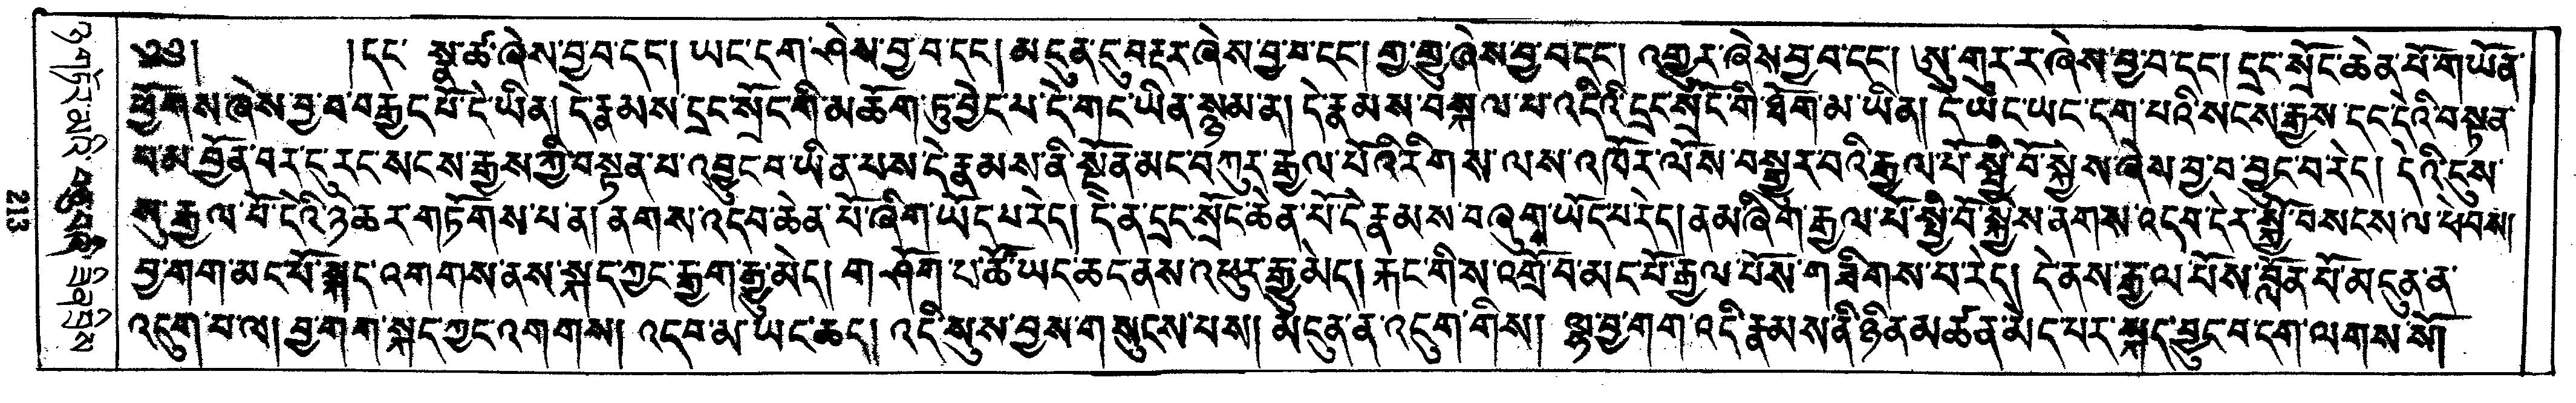༄༅། །དང༑ སྣ་ཚ་ཞེས་བྱ་བ་དང་། ཡང་དག་ཤེས་བྱ་བ་དང་། མདུན་དུ་བརྡར་ཞེས་བྱ་བ་དང་། གྱ་གྱུ་ཞེས་བྱ་བ་དང་། འགྱུར་ཞེས་བྱ་བ་དང་། ཨུ་གུརར་ཞེས་བྱ་བ་དང་། དྲང་སྲོང་ཆེན་པོ་གཡོན་
ཕྱོགས་ཞེས་བྱ་བ་བརྒྱད་པོ་དེ་ཡིན། དེ་རྣམས་དྲང་སྲོང་གི་མཆོག་ཏུ་བྱེད་པ་དེ་གང་ཡིན་སྙམ་ན། དེ་རྣམས་བསྐལ་པ་འདིའི་དྲང་སྲོང་གི་ཐོག་མ་ཡིན། དེ་ཡང་ཡང་དག་པའི་སངས་རྒྱས་དང་དེའི་བསྟན་
པ་མ་བྱོན་བར་དུ་རང་སངས་རྒྱས་ཀྱི་བསྟན་པ་འབྱུང་བ་ཡིན་པས་དེ་རྣམས་ནི་སྔོན་མང་བཀུར་རྒྱལ་པོའི་རིགས་ལས་འཁོར་ལོས་བསྒྱུར་བའི་རྒྱལ་པོ་སྤྱི་བོ་སྐྱེས་ཞེས་བྱ་བ་བྱུང་བ་རེད། དེའི་དུས་
སུ་རྒྱལ་པོ་དེའི་ཉེ་ཆར་གཏོགས་པ་ན། ནགས་འདབ་ཆེན་པོ་ཞིག་ཡོད་པ་རེད། དེ་ན་དྲང་སྲོང་ཆེན་པོ་དེ་རྣམས་བཞུགས་ཡོད་པ་རེད། ནམ་ཞིག་རྒྱལ་པོ་སྤྱི་བོ་སྐྱེས་ནགས་འདབ་དེར་སྐྱོ་བསངས་ལ་ཕེབས་
བྱ་གག་མང་པོ་སྐད་འགགས་ནས་སྐད་ཀྱང་རྒྱག་རྒྱུ་མེད། གཤོག་པ་ཚོ་ཡང་ཆད་ནས་འཕུར་རྒྱུ་མེད། རྐང་གིས་འགྲོ་བ་མང་པོ་རྒྱལ་བོས་གཟིགས་པ་རེད། དེ་ནས་རྒྱལ་པོས་བློན་པོས་མདུན་ན་
འདུག་པ་ལ། བྱ་གག་སྐད་ཀྱང་འགགས། འདབ་མ་ཡང་ཆད། འདི་སུས་ཀྱང་བྱས་གསུངས་པས། མདུན་ན་འདུག་གིས། ལྷ་བྱ་གག་འདི་རྣམས་ནི་ཉིན་མཚན་མེད་པར་སྐད་བྱུང་བ་དག་ལགས་སོ། །